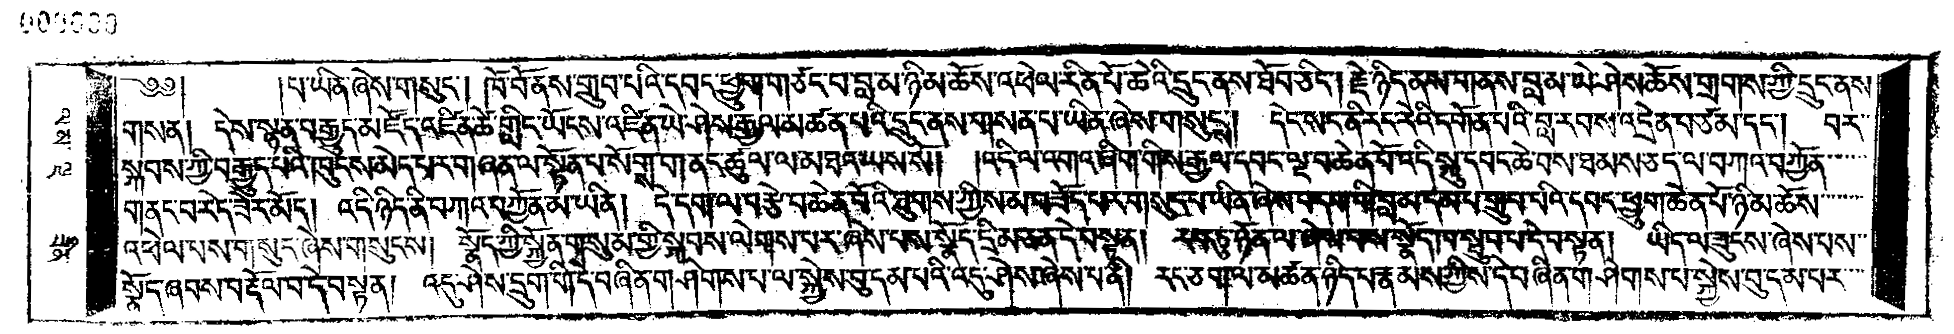༄༅། །པ་ཡིན་ཞེས་གསུང་། ཁོ་བོ་ནས་གྲུབ་པའི་དབང་ཕྱུག་གཙང་བ་བླ་མ་ཉི་མ་ཆོས་འཕེལ་རིན་པོ་ཆེའི་དྲུང་ནས་ཐོབ་ཅིང་། རྗེ་ཉིད་ནས་གནས་བླ་མ་ཡེ་ཤེས་ཆོས་གྲགས་ཀྱི་དྲུང་ནས་
གསན། དེས་སྙན་བརྒྱུད་མཛོད་འཛིན་ཚེ་གླིང་ཡོངས་འཛིན་ཡེ་ཤེས་རྒྱལ་མཚན་པའི་དྲུང་ནས་གསན་པ་ཡིན་ཞེས་གསུངས། དེང་སང་ནི་རང་རེའི་དགོན་པའི་བླ་རབས་འདྲེན་པ་ཙམ་དང་། བར་
སྐབས་ཀྱི་བརྒྱུད་པའི་ཁུངས་མེད་པར་གཞན་ལ་སྟོན་པ་སོགས་གནང་ཚུལ་ལ་མཐའ་ཡས་སོ། །འདི་ལ་འགའ་ཞིག་གིས་རྒྱལ་དབང་ལྔ་བ་ཆེན་པོ་འདི་སྐུ་དབང་ཆེ་བས་ཐམས་ཅད་ལ་བཀའ་བཀྱོན་
གནང་བ་རེད་ཟེར་མོད། འདི་ཉིད་ནི་བཀའ་བཀྱོན་མ་ཡིན། དེ་དག་ལ་བརྩེ་བ་ཆེན་པོའི་ཐུགས་ཀྱིས་མ་བཟོད་པར་གསུང་པ་ཡིན་ཞེས་བདག་གི་བླ་མ་དམ་པ་གྲུབ་པའི་དབང་ཕྱུག་ཆེན་པོ་ཉི་མ་ཆོས་
འཕེལ་པས་གསུང་ཞེས་གསུངས། སྣོད་ཀྱི་སྐྱོན་གསུམ་གྱི་སྐབས་ལེགས་པར་ཞེས་པས་སྣོད་དྲི་མ་ཅན་དེ་བསྟན། རབ་ཏུ་ཉོན་ལ་ཞེས་པས་སྣོད་ཁ་སྦུབ་པ་དེ་བསྟན། ཡིད་ལ་ཟུངས་ཞེས་པས་
སྣོད་ཞབས་བརྡོལ་བ་དེ་བསྟན། འདུ་ཤེས་དྲུག་གི་དེ་བཞིན་གཤེགས་པ་ལ་སྐྱེས་བུ་དམ་པའི་འདུ་ཤེས་ཞེས་པ་ནི། རང་ཅག་ལ་མཚན་ཉིད་པ་རྣམས་ཀྱིས་དེ་བཞིན་གཤེགས་པ་སྐྱེས་བུ་དམ་པར་